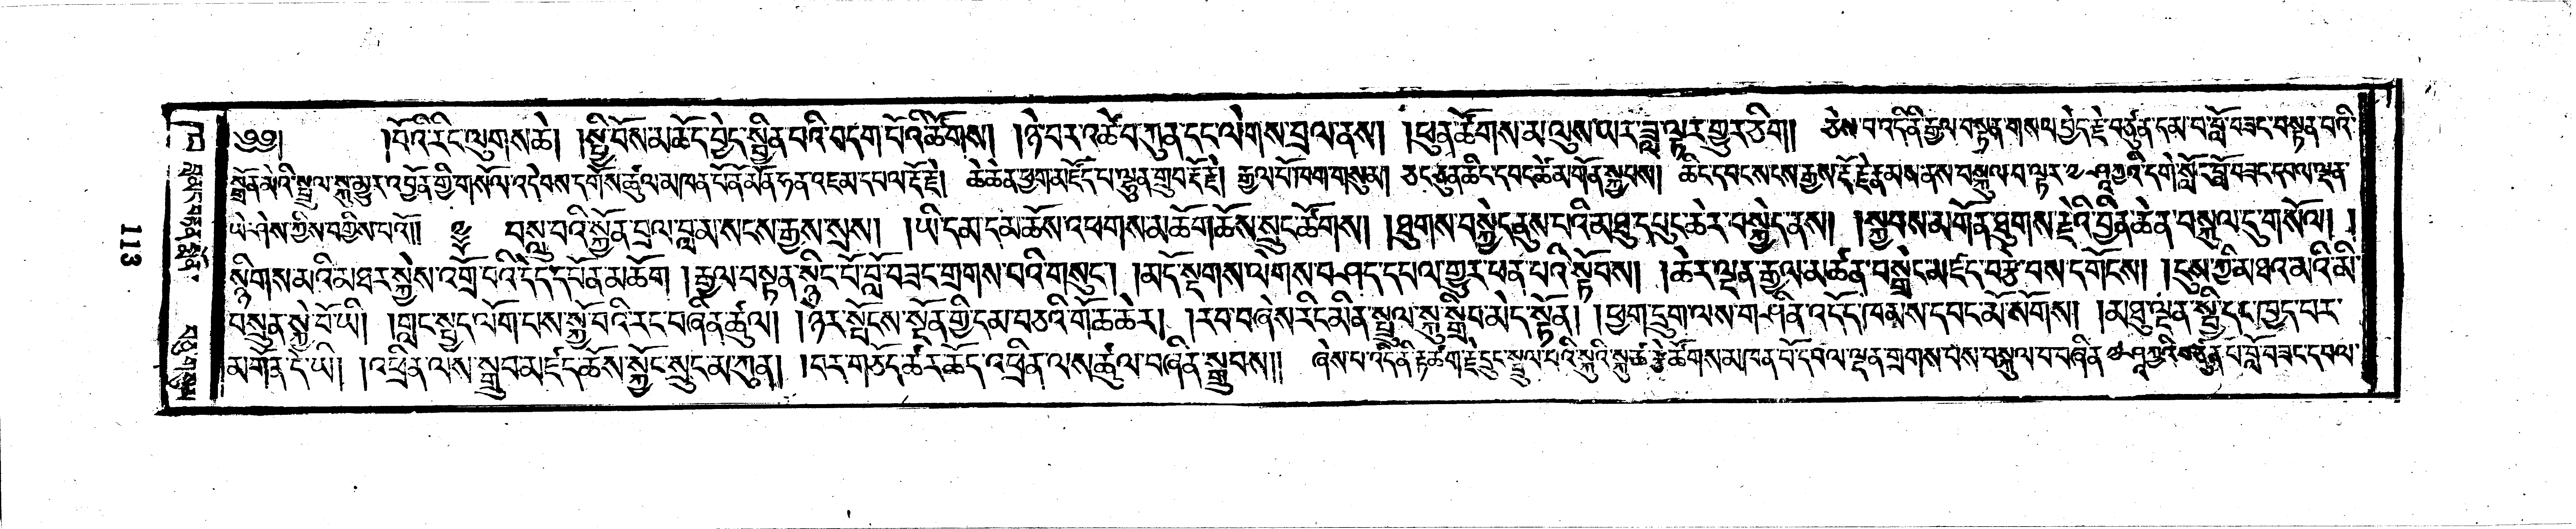༄༅། །བོའི་རིང་ལུགས་ཆེ། །སྤྱི་བོས་མཆོད་བྱེད་སྦྱིན་བའི་བདག་པོའི་ཚོགས། །ཉེ་བར་འཚེ་བ་ཀུན་དང་ལེགས་བྲལ་ནས། །ཕུན་ཚོགས་མ་ལུས་ཡར་ཟླ་ལྟར་གྱུར་ཅིག། ཅེས་བ་འདི་ནི་རྒྱལ་བསྟན་གསལ་བྱེད་རྗེ་བཙུན་དམ་བ་བློ་བཟང་བསྟན་བའི་
སྒྲོན་མེའི་སྤྲུལ་སྐུ་མྱུར་འབྱོན་གྱི་གསོལ་འདེབས་དགོས་ཚུལ་མཁན་པོ་ནོ་མོན་ཧན་འཇམ་དཔལ་རྡོ་རྗེ། ཆེ་ཆེན་ཕྱག་མཛོད་པ་ལྷུན་གྲུབ་རྡོ་རྗེ། རྒྱལ་པོ་ཁག་གསུམ། ཅང་ཅུན་ཆིང་དབང་ཚེ་མགོན་སྐྱབས། ཆིང་དབང་སངས་རྒྱས་རྡོ་རྗེ་རྣམས་ནས་བསྐུལ་བ་ལྟར་༧་ཤཱཀྱའི་དགེ་སློང་བློ་བཟང་དཔལ་ལྡན་
ཡེ་ཤེས་ཀྱིས་བགྱིས་པའོ།། ༈ བསླུ་བའི་སྐྱོན་བྲལ་བླ་མ་སངས་རྒྱས་སྲས། །ཡི་དམ་དམ་ཆོས་འཕགས་མཆོག་ཆོས་སྲུང་ཚོགས། །ཐུགས་བསྐྱེད་ནུས་པའི་མཐུ་དཔུང་ཆེར་བསྐྱེད་ནས། །སྐྱབས་མགོན་ཐུགས་རྗེའི་བྱིན་ཆེན་བསྐུལ་དུ་གསོལ། །
སྙིགས་མའི་མཐར་སྐྱེས་འགྲོ་བའི་དེད་དབོན་མཆོག །རྒྱལ་བསྟན་སྙིང་པོ་བློ་བཟང་གྲགས་བའི་གསུང་། །མདོ་སྔགས་ལེགས་བཤད་དཔལ་གྱུར་ཕན་པའི་སྟོབས། །ཆེར་ལྡན་རྒྱལ་མཚན་བསྒྲེང་མཛད་བརྩེ་བས་དགོངས། །དུས་ཀྱི་མཐའ་མའི་མི་
བསྲུན་སྐྱེ་བོ་ཡི། །གླང་སྤྱད་ལོག་པས་སྐྱོ་བའི་རང་བཞིན་ཚུལ། །ཉེར་སྤོངས་སྔོན་གྱི་དམ་བཅའི་གོ་ཆ་ཆེར། །རབ་བཞེས་རིང་མིན་སྤྲུལ་སྐུ་སྒྲིབ་མེད་སྟོན། །ཕྱག་དྲུག་ལས་གཤིན་འདོད་ཁམས་དབང་མོ་སོགས། །མཐུ་ལྡན་སྦྱི་དང་ཁྱད་བར་
མགོན་དེ་ཡི། །འཕྲིན་ལས་སྒྲུབ་མཛད་ཆོས་སྐྱོང་སྲུང་མ་ཀུན། །བར་གཅོད་ཚར་ཆོད་འཕྲིན་ལས་ཚུལ་བཞིན་སྒྲུབས།། ཞེས་པ་འདི་ནི་རྟ་ཚག་རྗེ་དྲུང་སྤྲུལ་པའི་སྐུའི་སྐུ་ཚ་རྩེ་ཚོགས་མཁན་པོ་དཔལ་ལྡན་གྲགས་པས་བསྐུལ་བ་བཞིན་༧་ཤཱཀྱའི་བཙུན་པ་བློ་བཟང་དཔལ་